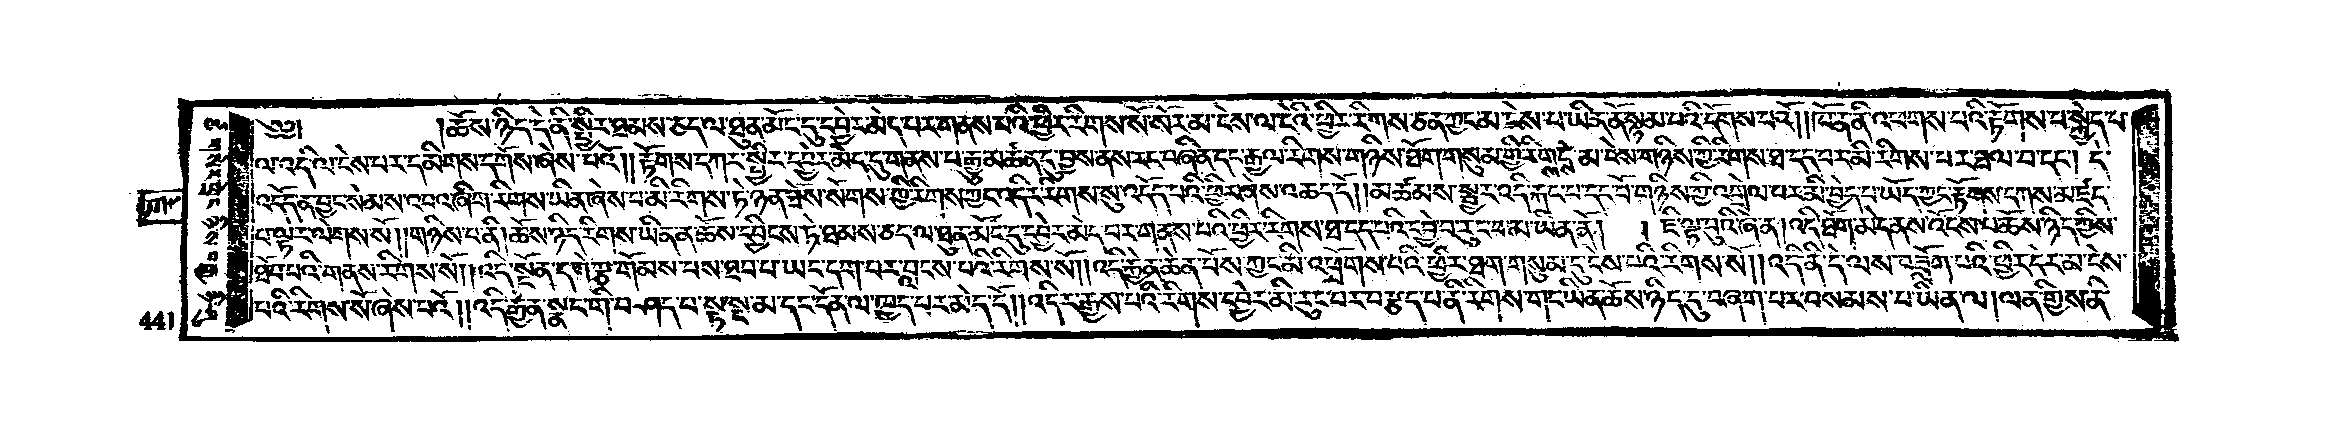༄༅། །ཆོས་ཉིད་དེ་ནི་སྤྱིར་ཐམས་ཅད་ལ་ཐུན་མོང་དུ་དབྱེར་མེད་པར་གནས་པའི་ཕྱིར་རིགས་སོ་སོར་མ་ངེས་ལ་དེའི་ཕྱིར་རིགས་ཅན་ཀྱང་མ་ངེས་པ་ཡིན་ནོ་སྙམ་པའི་དོགས་པའོ། །ཁོ་ན་ནི་འཕགས་པའི་རྟོགས་པ་སྐྱེད་པ་
ལ་འདི་ལ་ངེས་པར་དམིགས་དགོས་ཞེས་པའི། །རྟོགས་དཀར་སྤྱིར་དབྱེར་མེད་དུ་གནས་པ་རྒྱུ་མཚན་དུ་བྱས་ནས་རང་བཞིན་དང་རྒྱལ་རིགས་གཉིས་ཐེག་གསུམ་གྱི་རིགས་དེས་མ་ངེས་གཉིས་ཀྱི་རིགས་ཐ་དད་པར་མི་རིགས་པར་ཐལ་བ་དང་། དེ་
འདོད་ན་བྱང་སེམས་འབའ་ཞིག་རིགས་ཡིན་ཞེས་པ་མི་རིགས་ཏེ་ཉན་ཐོས་སོགས་ཀྱི་རིགས་ཀྱང་འདིར་རིགས་སུ་འདོད་པའི་ཕྱིར་ཞེས་འཆད་དོ། །མཚམས་སྦྱར་འདི་རྐང་པ་དང་པོ་གཉིས་ཀྱི་འགྲེལ་པར་མི་བྱེད་པ་ཡོད་ཀྱང་རྟོགས་དཀས་མཛད་
པ་ལྟར་ལེགས་སོ། །གཉིས་པ་ནི། ཆོས་ཉིད་རིགས་ཡིན་ན་ཆོས་དབྱིངས་ཏེ་ཐམས་ཅད་ལ་ཐུན་མོང་དུ་དབྱེར་མེད་པར་གནས་པའི་ཕྱིར་རིགས་ཐ་དད་པའི་དབྱེ་བ་རུང་བ་མ་ཡིན་ནོ། །ཇི་ལྟ་བུའི་ཞེ་ན། འདི་ཐོག་མེད་ནས་འོངས་པ་ཆོས་ཉིད་ཀྱིས་
ཐོབ་པའི་གནས་རིགས་སོ། །འདི་སྔོན་དགེ་རྩ་གོམས་པས་ཐོབ་པ་ཡང་དག་པར་བླངས་པའི་རིགས་སོ། །འདི་རྐྱེན་ཆེན་པོས་ཀྱང་མི་འཕྲོགས་པའི་ཕྱིར་ཐེག་གསུམ་དུ་ངེས་པའི་རིགས་སོ། །འདི་ནི་དེ་ལས་བཟློག་པའི་ཕྱིར་དེར་མ་ངེས་
པའི་རིགས་སོ་ཞེས་པའོ། །འདི་རྒྱན་སྣང་གི་བཤད་པ་སྟེ་སྔ་མ་དང་དོན་ལ་ཁྱད་པར་མེད་དོ། །འདིར་རྒྱས་པའི་རིགས་དབྱེར་མི་རུང་བར་བརྩད་པ་ནི་རིགས་གང་ཡིན་ཆོས་ཉིད་དུ་བཞག་པར་བསམས་པ་ཡིན་ལ། ལན་གྱིས་ནི་